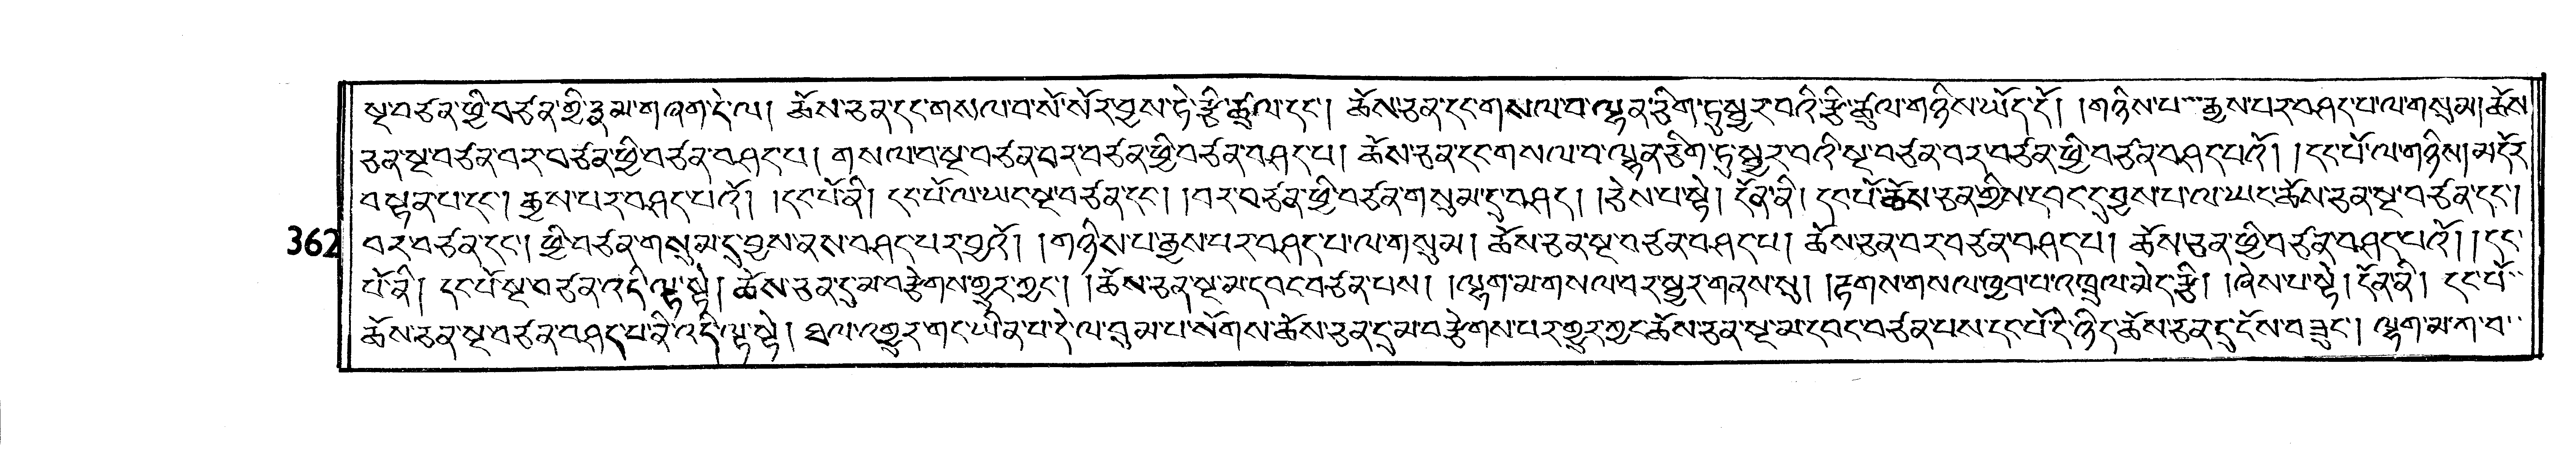སྔ་བཙན་ཕྱི་བཙན་གྱི་རྣམ་གཞག་དེ་ལ། ཆོས་ཅན་དང་གསལ་བ་སོ་སོར་བྱས་ཏེ་རྩི་ཚུལ་དང་། ཆོས་ཅན་དང་གསལ་བ་ལྷན་ཅིག་ཏུ་སྦྱར་བའི་རྩི་ཚུལ་གཉིས་ཡོད་དོ། །གཉིས་པ་རྒྱས་པར་བཤད་པ་ལ་གསུམ། ཆོས་
ཅན་སྔ་བཙན་བར་བཙན་ཕྱི་བཙན་བཤད་པ། གསལ་བ་སྔ་བཙན་བར་བཙན་ཕྱི་བཙན་བཤད་པ། ཆོས་ཅན་དང་གསལ་བ་ལྷན་ཅིག་ཏུ་སྦྱར་བའི་སྔ་བཙན་བར་བཙན་ཕྱི་བཙན་བཤད་པའོ། །དང་པོ་ལ་གཉིས། མདོར་
བསྟན་པ་དང་། རྒྱས་པར་བཤད་པའོ། །དང་པོ་ནི། དང་པོ་ལ་ཡང་སྔ་བཙན་དང་། །བར་བཙན་ཕྱི་བཙན་གསུམ་དུ་བཤད། །ཅེས་པ་སྟེ། དོན་ནི། དང་པོ་ཆོས་ཅན་གྱིས་དབང་དུ་བྱས་པ་ལ་ཡང་ཆོས་ཅན་སྔ་བཙན་དང་།
བར་བཙན་དང་། ཕྱི་བཙན་གསུམ་དུ་བྱས་ནས་བཤད་པར་བྱའོ། །གཉིས་པ་རྒྱས་པར་བཤད་པ་ལ་གསུམ། ཆོས་ཅན་སྔ་བཙན་བཤད་པ། ཆོས་ཅན་བར་བཙན་བཤད་པ། ཆོས་ཅན་ཕྱི་བཙན་བཤད་པའོ། །དང་
པོ་ནི། དང་པོ་སྔ་བཙན་འདི་ལྷ་སྟེ། ཆོས་ཅན་དུ་མ་བརྩེགས་གྱུར་ཀྱང་། །ཆོས་ཅན་སྔ་མ་དབང་བཙན་པས། །ལྷག་མ་གསལ་བར་སྦྱར་གནས་སུ། །རྟགས་གསལ་ཁྱབ་པ་འཁྲུལ་མེད་རྩེ། །ཞེས་པ་སྟེ། དོན་ནི། དང་པོ་
ཆོས་ཅན་སྔ་བཙན་བཤད་པ་ནི་འདི་ལྟ་སྟེ། ཐལ་འགྱུར་གནག་ཡིན་པ་དེ་ལ་བུམ་པ་སོགས་ཆོས་ཅན་དུ་མ་བརྩེགས་པར་གྱུར་ཀྱང་ཆོས་ཅན་སྔ་མ་དབང་བཙན་པས་དང་པོ་དེ་ཉིད་ཆོས་ཅན་དུ་ངོས་བཟུང་། ལྷག་མ་ཀ་བ་